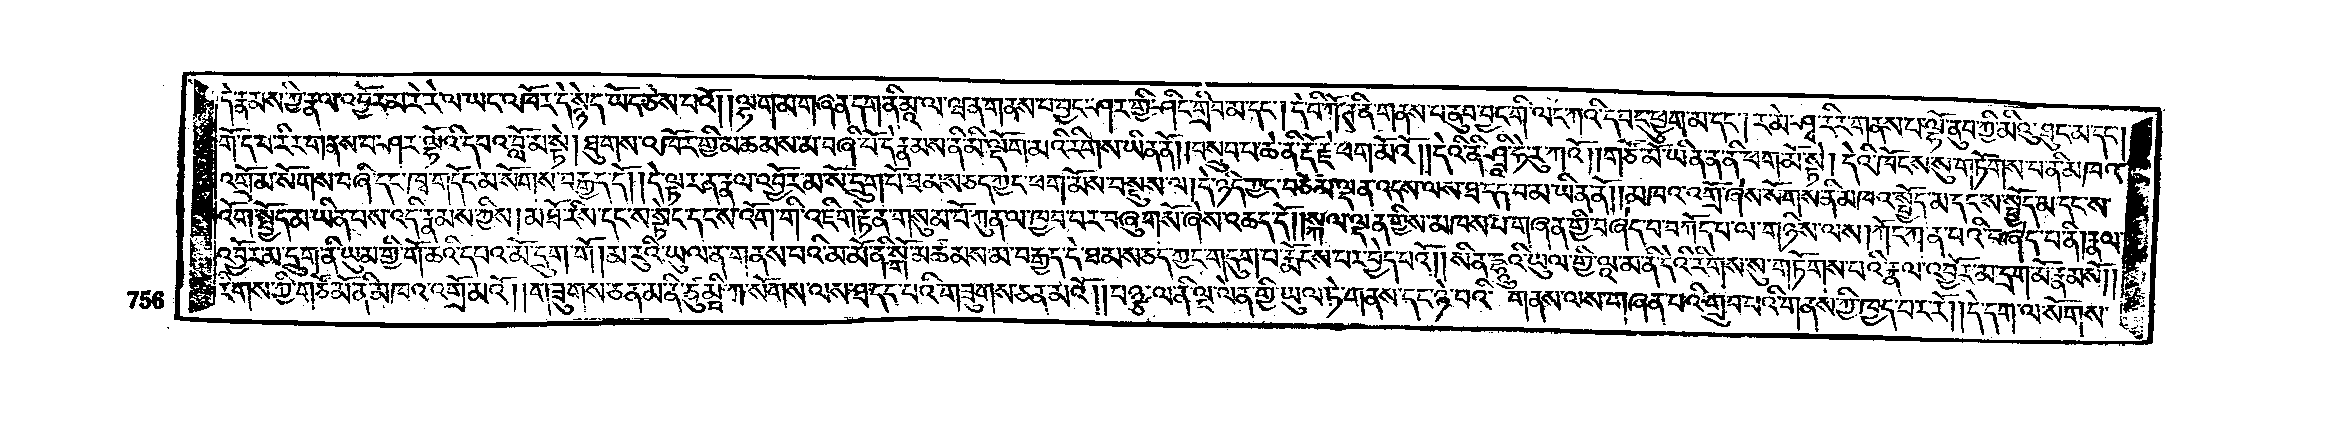དེ་རྣམས་ཀྱི་རྣལ་འབྱོར་མ་རེ་རེ་ལ་ཡང་འཁོར་དེ་སྙེད་ཡོད་ཅེས་པའོ། །ལྷག་མ་གཞན་དག་ནི་མཱ་ལ་ཝ་ན་གནས་པ་བྱང་ཤར་གྱི་ཤིང་གྲིབ་མ་དང་། དེ་བི་ཀོ་ཊ་ནི་གནས་པ་ནུབ་བྱང་གི་ལང་ཀའི་དབང་ཕྱུག་མ་དང་། ར་མེ་ཤྭ་རིར་གནས་པ་ལྷོ་ནུབ་ཀྱི་མིའུ་ཐུང་མ་དང་།
གོ་ད་བ་རིར་གནས་པ་ཤར་ལྷོའི་དཔའ་བློ་མ་སྟེ། ཐུགས་འཁོར་གྱི་མཚམས་མ་བཞི་པོ་དེ་རྣམས་ནི་མི་ལྡོག་མའི་རིགས་ཡིན་ནོ། །བསྲུབ་པ་ཆེ་ནི་རྡོ་རྗེ་ཕག་མོའོ། །དེའི་ནི་ཤྲཱི་ཧེ་རུ་ཀའོ། །གཙོ་མོ་ཡིན་ན་ནི་ཕག་མོ་སྟེ། དེའི་ཁོངས་སུ་གཏོགས་པ་ནི་མཁའ་
འགྲོ་མ་སོགས་བཞི་དང་ཁྭ་གདོང་མ་སོགས་བརྒྱད་དོ། །དེ་ལྟར་ན་རྣལ་འབྱོར་མ་སོ་དྲུག་པོ་ཐམས་ཅད་ཀྱང་ཕག་མོས་བསྡུས་ལ། དེ་ཉིད་ཀྱང་བཅོམ་ལྡན་འདས་ལས་ཐ་དད་པ་མ་ཡིན་ནོ། །མཁའ་འགྲོ་ཞེས་སོགས་ནི་མཁའ་སྤྱོད་མ་དང་ས་སྤྱོད་མ་དང་ས་
འོག་སྤྱོད་མ་ཡིན་པས་འདི་རྣམས་ཀྱིས། མཐོ་རིས་དང་ས་སྟེང་དང་ས་འོག་གི་འཇིག་རྟེན་གསུམ་པོ་ཀུན་ལ་ཁྱབ་པར་བཞུགས་སོ་ཞེས་འཆད་དོ། །སྐལ་ལྡན་གྱིས་མཁས་པ་གཞན་གྱི་བཞེད་པ་བཀོད་པ་ལ་གཉིས་ལས། ཀོང་ཀ་ན་པའི་བཞེད་པ་ནི། རྣལ་
འབྱོར་མ་དྲུག་ནི་ཡུམ་གྱི་གོ་ཆའི་དཔའ་མོ་དྲུག་གོ །མ་རུའི་ཡུལ་ན་གནས་པའི་མ་མོ་ནི་སྒོ་མཚམས་མ་བརྒྱད་དེ་ཐམས་ཅད་ཀྱང་གདུག་པ་རྨོངས་པར་བྱེད་པའོ། །སིན་དྷཱུའི་ཡུལ་གྱི་ལཱ་མ་ནི་དེའི་རིགས་སུ་གཏོགས་པའི་རྣལ་འབྱོར་མ་དྲག་མོ་རྣམས་སོ། །
རིགས་ཀྱི་གཙོ་མོ་ནི་མཁའ་འགྲོ་མའོ། །གཟུགས་ཅན་མ་ནི་ཙུམྤི་ཀ་སོགས་ལས་ཐ་དད་པའི་གཟུགས་ཅན་མའོ། །པཉྩ་ལ་ནི་ལྔ་ལེན་གྱི་ཡུལ་ཏེ་གནས་དང་ཉེ་བའི་གནས་ལས་གཞན་པའི་གྲུབ་པའི་གནས་ཀྱི་ཁྱད་པར་རོ། །དེ་དག་ལ་སོགས་